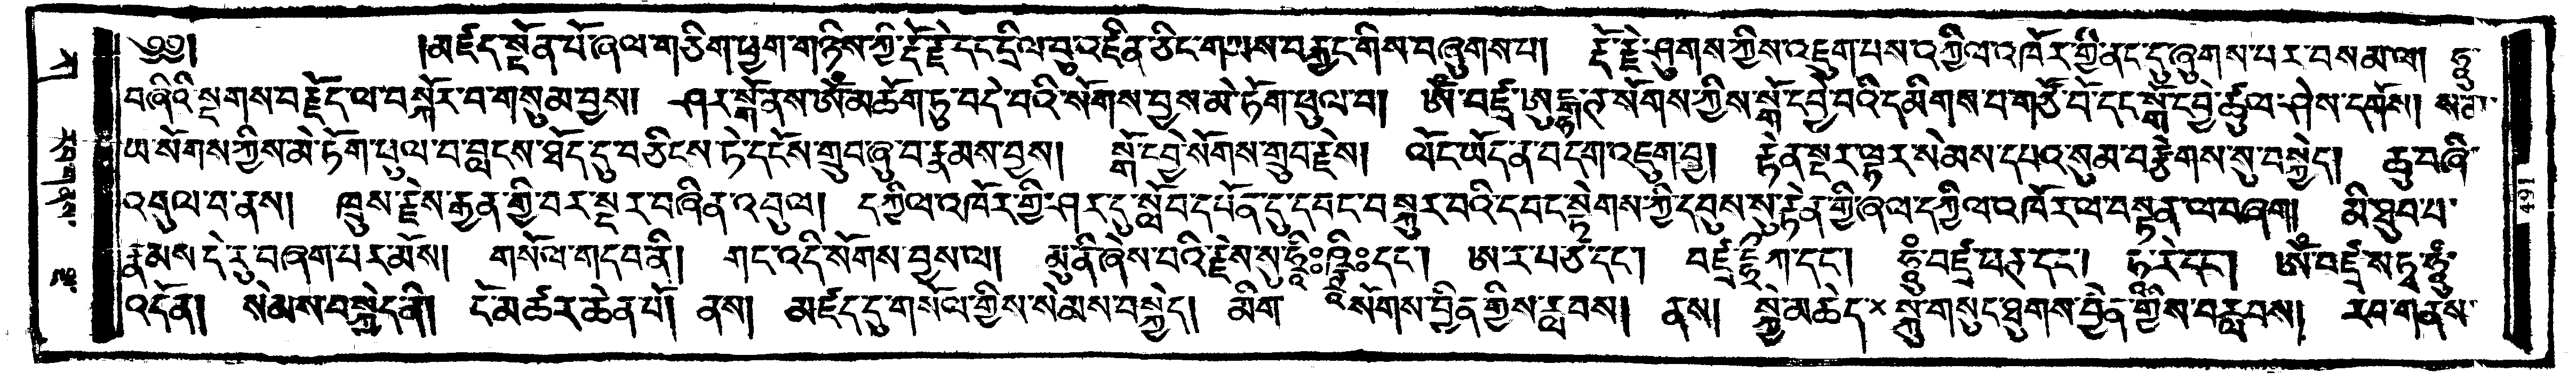༄༅། །མཛད་སྔོན་པོ་ཞལ་གཅིག་ཕྱག་གཉིས་ཀྱི་རྡོ་རྗེ་དང་དྲིལ་བུ་འཛིན་ཅིང་གཡས་བརྐྱང་གིས་བཞུགས་པ། རྡོ་རྗེ་ཤུགས་ཀྱིས་འཇུག་པས་འྐྱིལ་འཁོར་གྱི་ནང་དུ་ཞུགས་པར་བསམ་ལ། ཧཱུཾ་
བཞིའི་སྔགས་བརྗོད་ལ་བསྐོར་པ་གསུམ་བྱས། ཤར་སྒོ་ནས་ཨོཾ་མཆོག་ཏུ་བདེ་བའི་སོགས་བྱས་མེ་ཏོག་ཕུལ་པ། ཨོཾ་བཛྲ་ཨུདགྷ་ཊ་སོགས་ཀྱིས་སྒོ་དབྱེ་བའི་དམིགས་གཙོ་བོ་དང་སྒོ་དབྱེ་ཚུལ་ཤེས་དགོས། སམ་
ཡ་སོགས་ཀྱིས་མེ་ཏོག་ཕུལ་བ་བླངས་ཐོད་དུ་བཅིངས་ཏེ་དངོས་གྲུབ་ཞུ་བ་རྣམས་བྱས། སྒོ་དབྱེ་སོགས་གྲུབ་རྗེས། ལོང་ཡོད་ན་བདག་འཇུག་བྱ། རྟེན་སྔར་ལྟར་སེམས་དཔའ་སུམ་བརྩེགས་སུ་བསྐྱེད། ཆུ་བཞི་
འབུལ་བ་ནས། ཁྲུས་རྗེས་རྒྱན་གྱི་བར་སྔར་བཞིན་འབུལ། དཀྱིལ་འཁོར་གྱི་ཤར་དུ་སློབ་དཔོན་དུ་དབང་བསྐུར་བའི་དབང་སྟེགས་ཀྱི་དབུས་སུ་རྟེན་གྱི་ཞལ་དཀྱིལ་འཁོར་ལ་བསྟན་ལ་བཞག །མི་ཐུབ་པ་
རྣམས་དེ་རུ་བཞག་པར་མོས། གསོལ་གདབ་ནི། གང་འདི་སོགས་བྱས་ལ། མུ་ནི་ཞེས་པའི་རྗེས་སུ་ཧྲཱིཿ ཥྚྲཱིཿ དང་། ཨ་ར་བ་ཙ་དང་། བཛྲ་དྷྲྀ་ཀ་དང་། ཧཱུཾ་བཛྲ་ཕཊ་དང་། ཏཱ་རེ་དང་། ཨོཾ་བཛྲ་སཏྭ་ཧཱུཾ་
འདོན། སེམས་བསྐྱེད་ནི། ངོ་མཚར་ཆེན་པོ། ནས། མཛད་དུ་གསོལ་གྱིས་སེམས་བསྐྱེད། མིག་སོགས་བྱིན་གྱིས་རླབས། ནས། སྐྱེ་མཆེད་྾་སྐུ་གསུང་ཐུགས་བྱིན་གྱིས་བརླབས། རབ་གནས་